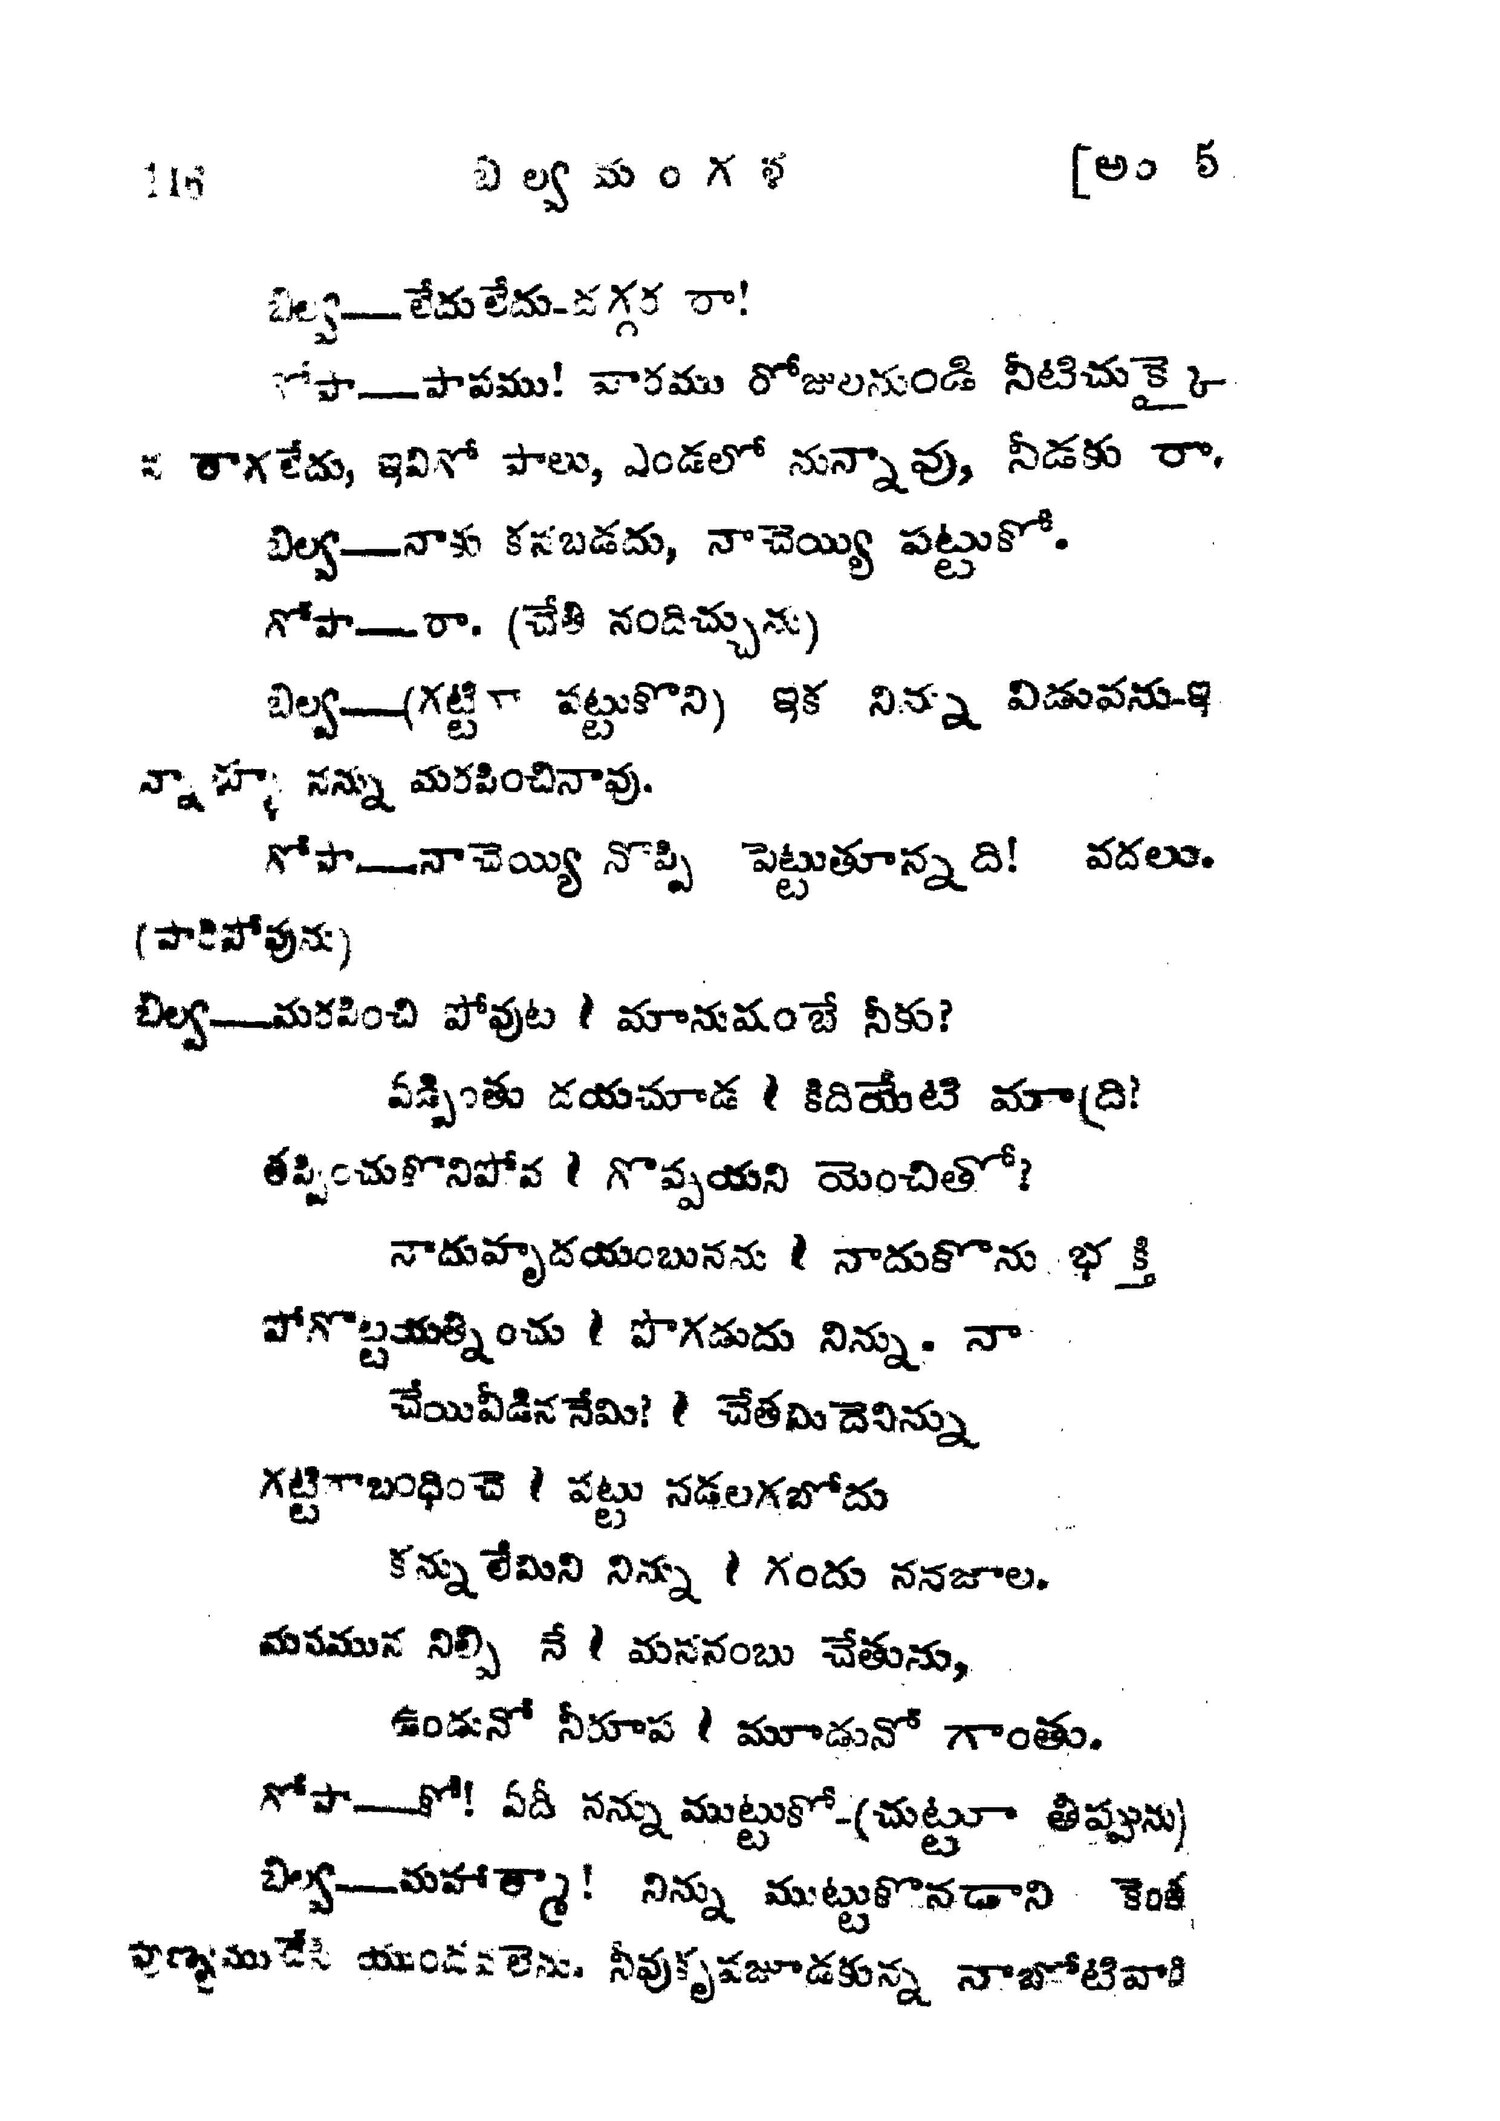బిల్వ - లేదులేదు-దగ్గర రా!

గోపా - పాపము! వారము రోజులనుండి నీటిచుక్కైన తాగలేదు, ఇవిగో పాలు, ఎండలో నున్నావు, నీడకు రా.

బిల్వ - నాకు కనబడదు, నాచెయ్యి పట్టుకో.

గోపా - రా. (చేతి నందిచ్చును)

బిల్వ - (గట్టిగా పట్టుకొని) ఇక నిన్ను విడువను-ఇన్నాళ్ళూ నన్ను మరపించినావు.

గోపా - నాచెయ్యి నొప్పి పెట్టుతూన్నది! వదలు. (పారిపోవును)

 బిల్వ - మరపించి పోవుట ♦ మానుషంబే నీకు?
 ఏడ్పింతు దయచూడ ♦ కిదియేటి మాద్రి?
 తప్పించుకొనిపోవ ♦ గొప్పయని యెంచితో?
 నాదుహృదయంబునను ♦ నాదుకొను భక్తి
 పోగొట్టయత్నించు ♦ పొగడుదు నిన్ను. నా
 చేయివీడిననేమి? ♦ చేతమిదెనిన్ను
 గట్టిగాబంధించె ♦ పట్టు సడలబోదు
 కన్నులేమిని నిన్ను ♦ గందు ననజాల.
 మనమున నిల్పి నే ♦ మననంబు చేతును,
 ఉండునో నీరూప ♦ మూడునో గాంతు.

గోపా - కో! ఏదీ నన్ను ముట్టుకో-(చుట్టూ తిప్పును)

బిల్వ - మహాత్మా! నిన్ను ముట్టుకొనడాని కెంత పుణ్యముచేసి యుండవలెను. నీవుకృపజూడకున్న నాబోటివారి